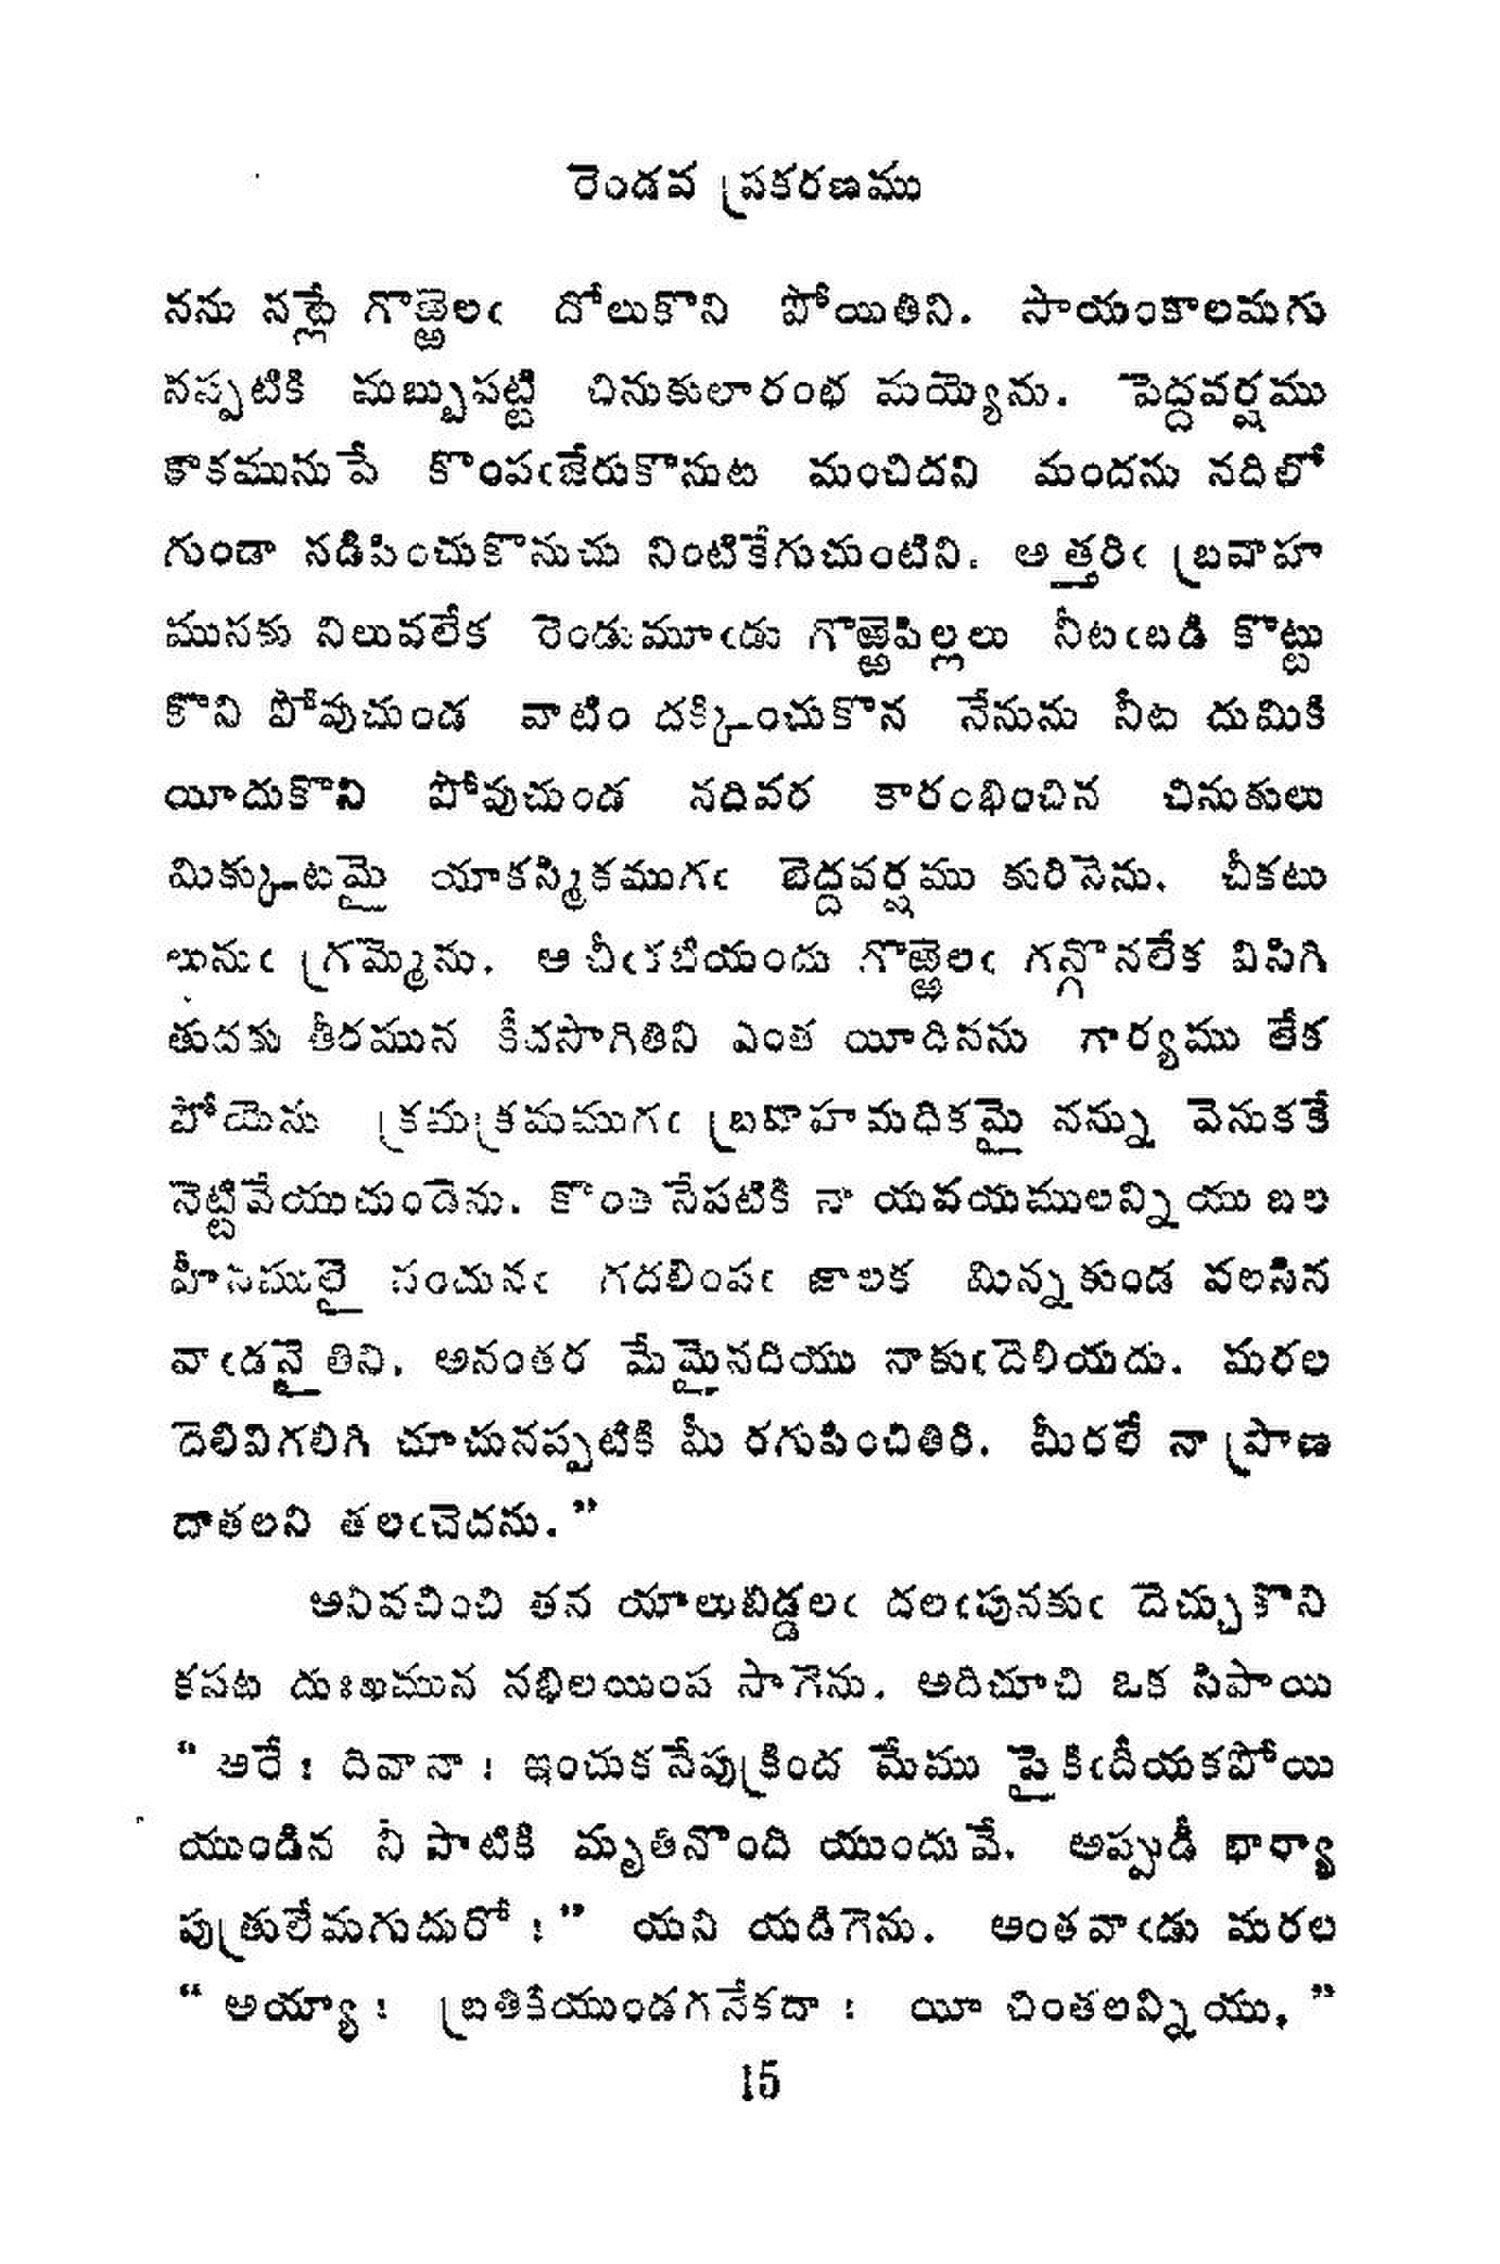నను నట్లే గొఱ్ఱెలఁ దోలుకొని పోయితిని. సాయంకాలమగు నప్పటికి మబ్బుపట్టి చినుకులారంభ మయ్యెను. పెద్దవర్షము కాకమునుపే కొంపఁజేరుకొనుట మంచిదని మందను నదిలో గుండా నడిపించుకొనుచు నింటికేగుచుంటిని. అత్తరిఁ బ్రవాహముసకు నిలువలేక రెండుమూఁడు గొఱ్ఱెపిల్లలు నీటఁబడి కొట్టుకొని పోవుచుండ వాటిం దక్కించుకొన నేనును నీట దుమికి యీదుకొని పోవుచుండ నదివర కారంభించిన చినుకులు మిక్కుటమై యాకస్మికముగఁ బెద్దవర్షము కురిసెను. చీకటులునుఁ గ్రమ్మెను. ఆ చీఁకటియందు గొఱ్ఱెలఁ గన్గొనలేక విసిగి తుదకు తీరమున కీదసాగితిని ఎంత యీదినను గార్యము లేక పోయెను క్రమక్రమముగఁ బ్రవాహమధికమై నన్ను వెనుకకే నెట్టివేయుచుండెను. కొంతసేపటికి నా యవయములన్నియు బలహీనములై నందునఁ గదలింపఁ జాలక మిన్నకుండ వలసిన వాఁడనైతిని, అనంతర మేమైనదియు నాకుఁ దెలియదు. మరల దెలివిగలిగి చూచునప్పటికి మీ రగుపించితిరి. మీరలే నా ప్రాణ దాతలని తలఁచెదను.”

అనివచించి తన యాలు బిడ్డలఁ దలఁపునకుఁ దెచ్చుకొని కపట దుఃఖమున నభిలయింప సాగెను. అదిచూచి ఒక సిపాయి " అరే! దివానా! ఇంచుకసేపుక్రింద మేము పైకిఁదీయకపోయి యుండిన నీ పాటికి మృతినొంది యుందువే. అప్పుడీ భార్యా పుత్రులేమగుదురో!" యని యడిగెను. అంతవాఁడు మరల " అయ్యా ! బ్రతికేయుండగనేకదా! యీ చింతలన్నియు, ”